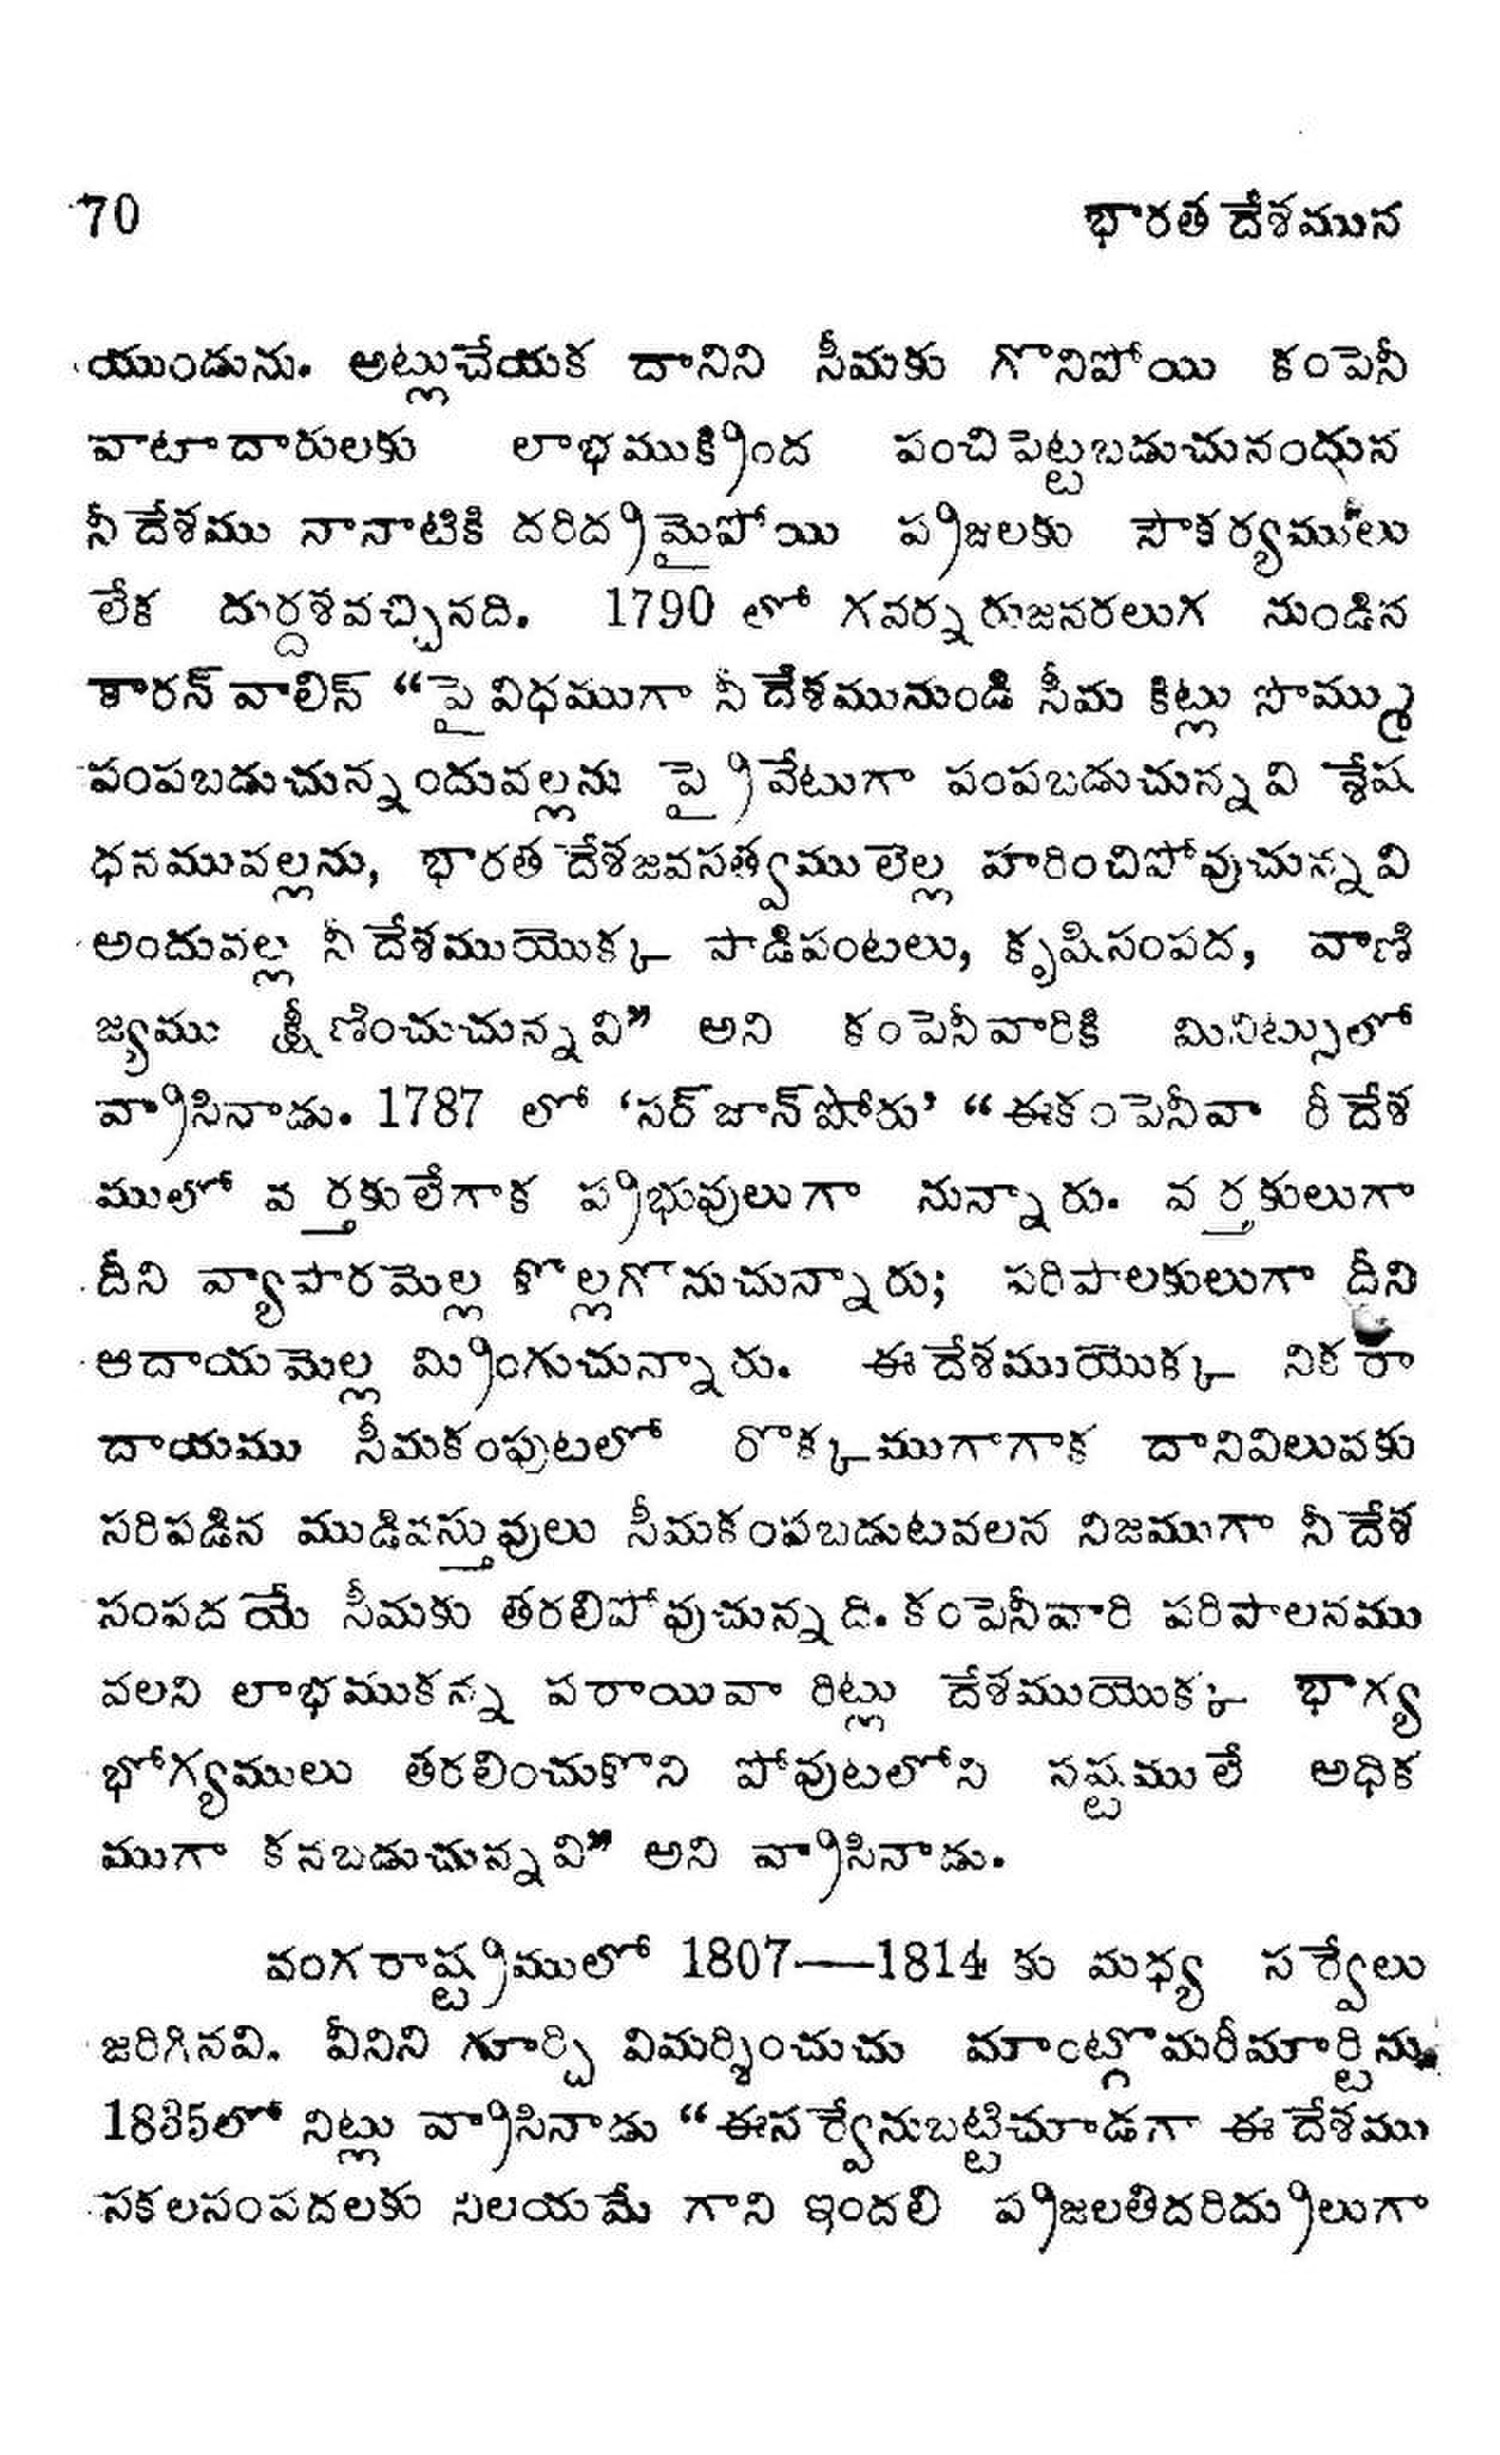యుండును. అట్లుచేయక దానిని సీమకు గొనిపోయి కంపెనీ వాటాదారులకు లాభముక్రింద పంచిపెట్టబడుచున్నందున నీదేశము నానాటికి దరిద్రమైపోయి ప్రజలకు సౌకర్యములు లేక దుర్దశవచ్చినది. 1790 లో గనర్నరుజనరలుగ నుండిన కారన్‌వాలిస్ “పైవిధముగా నీదేశమునుండి సీమ కిట్లు సొమ్ము పంపబడుచున్నందువల్లను ప్రైవేటుగా పంపబడుచున్న విశేషధనమువల్లను, భారతదేశ జవసత్వములెల్ల హరించిపోవుచున్నవి అందువల్ల నీదేశముయొక్క పాడిపంటలు, కృషిసంపద, వాణిజ్యము క్షీణించుచున్నవి" అని కంపెనీవారికి మినిట్సులో వ్రాసినాడు. 1787 లో 'సర్ జాన్‌షోరు’ "ఈకంపెనీవా రీదేశములో వర్తకులేగాక ప్రభువులుగా నున్నారు. వర్తకులుగా దీని వ్యాపారమెల్ల కొల్లగొనుచున్నారు; పరిపాలకులుగా దీని ఆదాయమెల్ల మ్రింగుచున్నారు. ఈ దేశముయొక్క నికరాదాయము సీమకంఫుటలో రొక్కముగా గాక దానివిలువకు సరిపడిన ముడిపస్తువులు సీమకంపబడుటవలన నిజముగా నీ దేశసంపదయే సీమకు తరలిపోవుచున్నది. కంపెనీవారి పరిపాలనము వలని లాభముకన్న పరాయివా రిట్లు దేశముయొక్క భాగ్యభోగ్యములు తరలించుకొని పోవుటలోని నష్టములే అధికముగా కనబడుచున్నవి" అని వ్రాసినాడు.

వంగరాష్ట్రములో 1807- 1814 కు మధ్య సర్వేలు జరిగినవి. వీనిని గూర్చి విమర్శించుచు మాంట్గొమరీమార్టిను 1835లో నిట్లు వ్రాసినాడు “ఈసర్వేనుబట్టిచూడగా ఈదేశము సకలసంపదలకు నిలయమే గాని ఇందలి ప్రజలతిదరిద్రులుగా